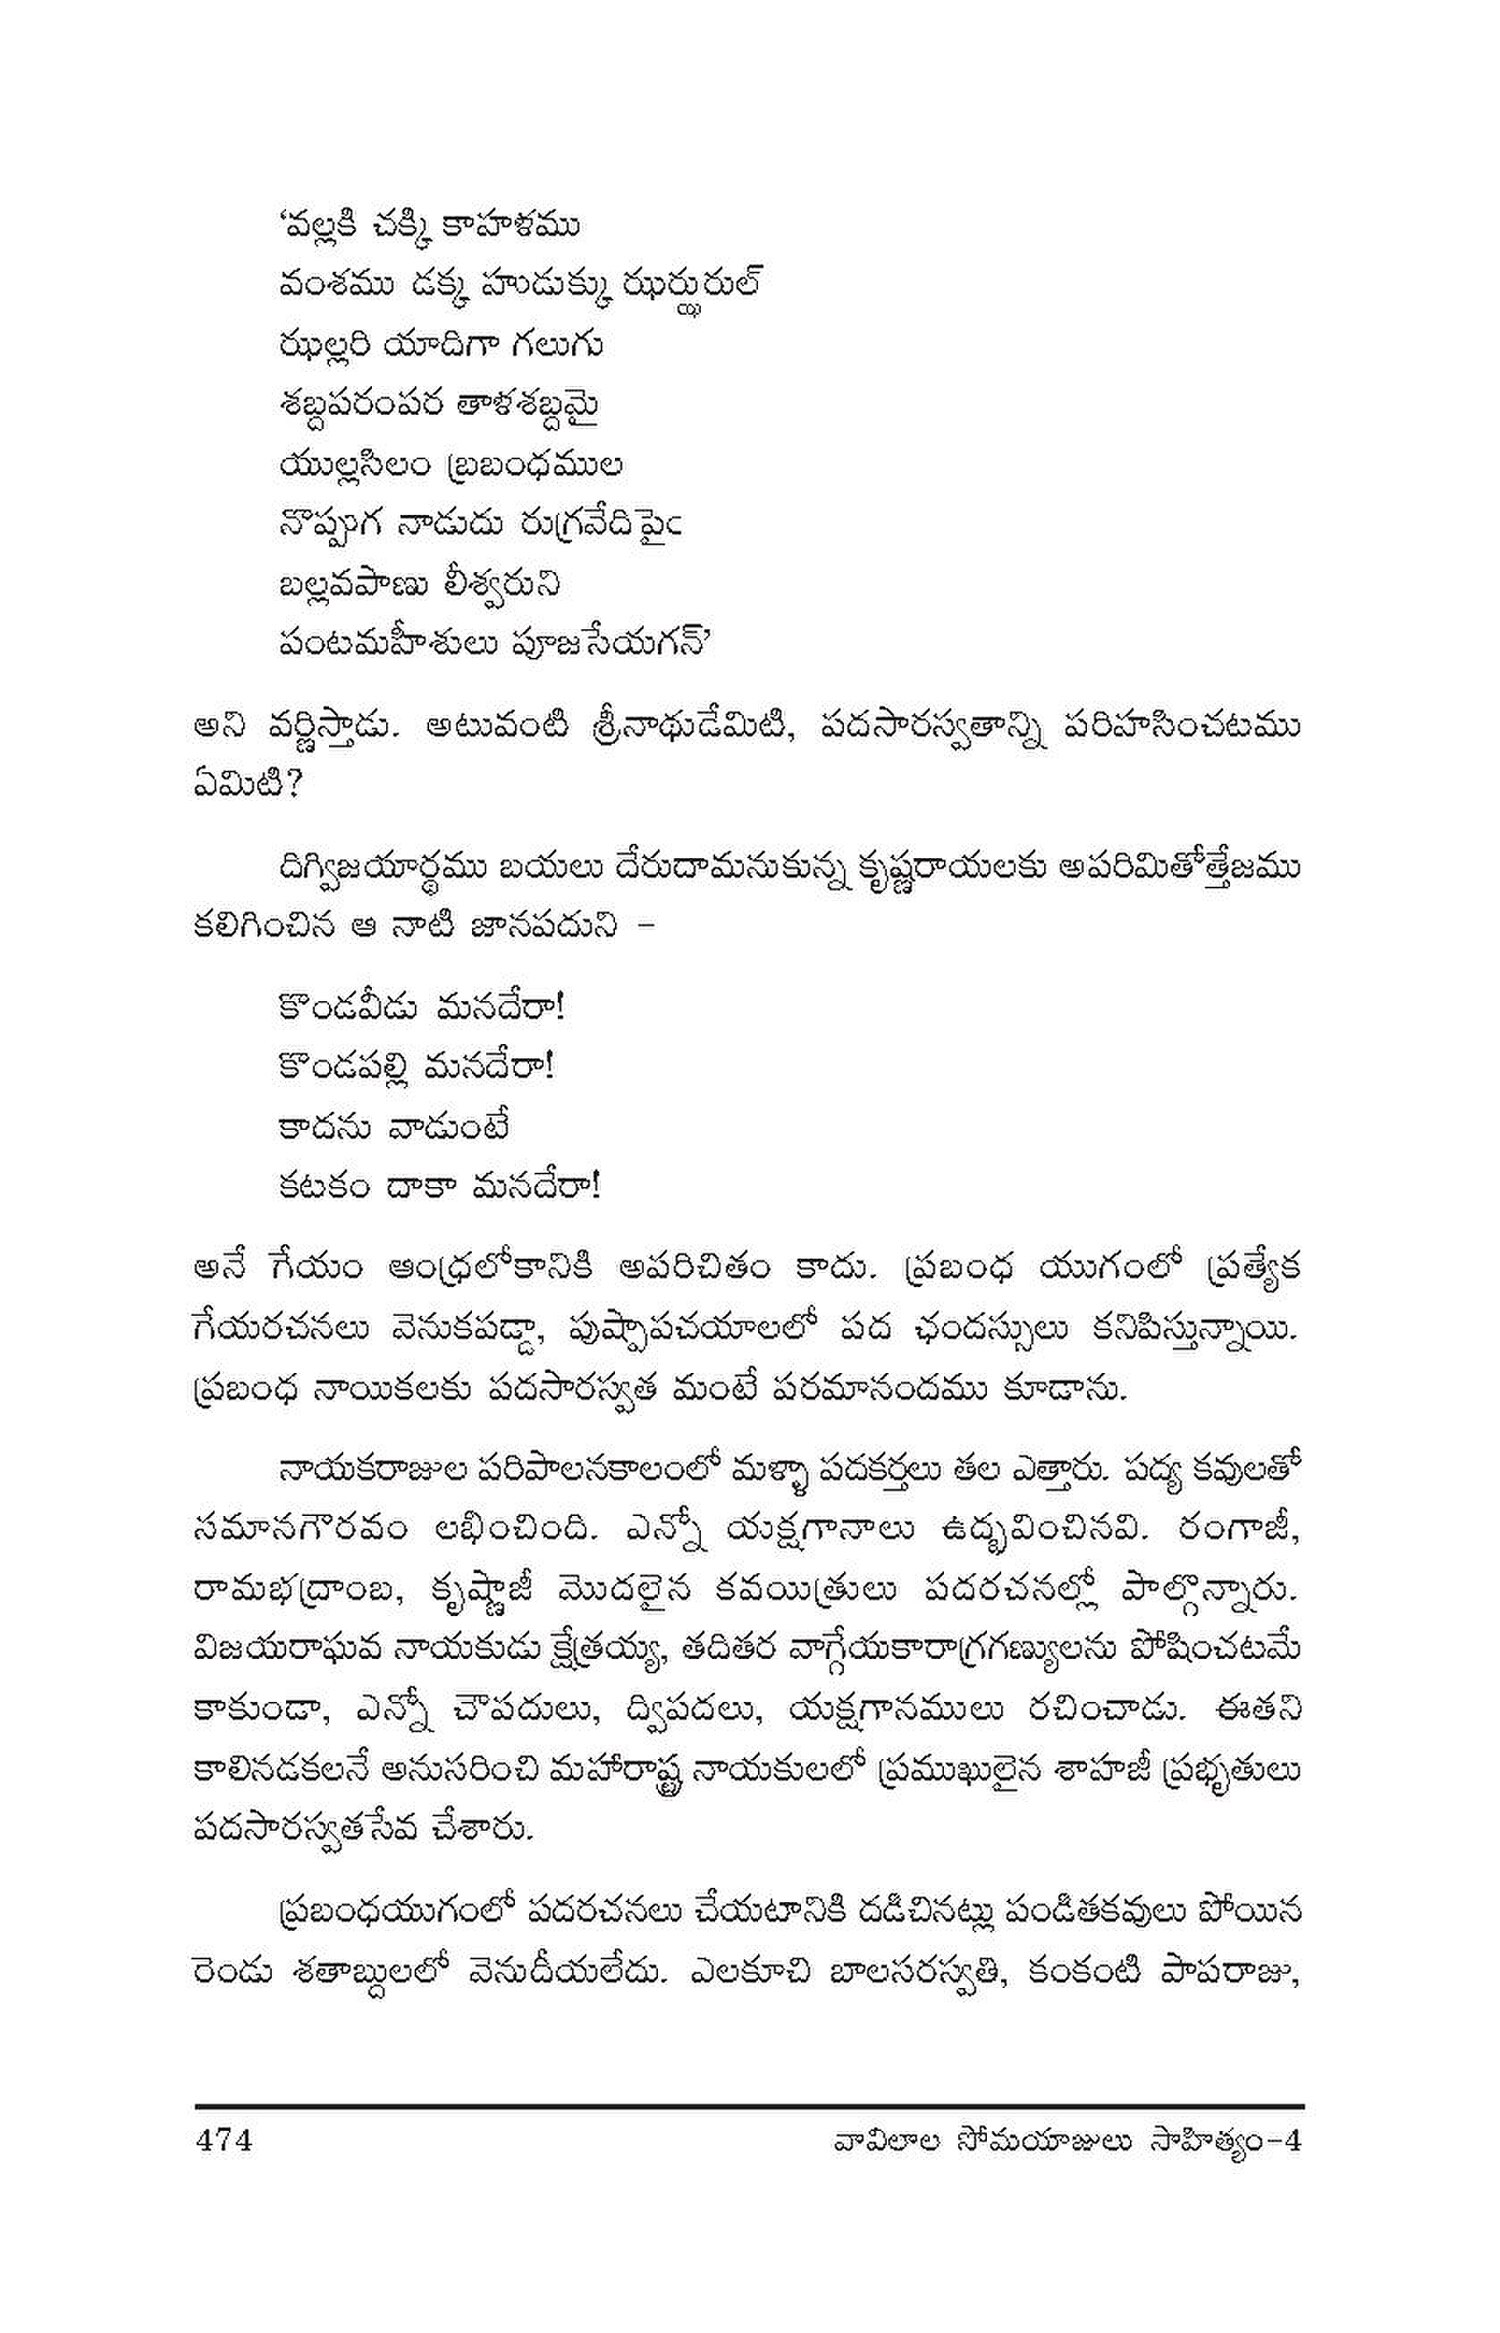'వల్లకి చక్కి కాహళము
వంశము డక్క హుడుక్కు ఝఝురుల్
ఝల్లరి యాదిగా గలుగు
శబ్దపరంపర తాళశబ్దమై
యుల్లసిలం బ్రబంధముల
నొప్పుగ నాడుదు రుగ్రవేది పైఁ
బల్లవపాణు లీశ్వరుని
పంటమహీశులు పూజసేయగన్'

అని వర్ణిస్తాడు. అటువంటి శ్రీనాథుడేమిటి, పదసారస్వతాన్ని పరిహసించటము
ఏమిటి?

దిగ్విజయార్థము బయలు దేరుదామనుకున్న కృష్ణరాయలకు అపరిమితోత్తేజము
కలిగించిన ఆ నాటి జానపదుని-

కొండవీడు మనదేరా!
కొండపల్లి మనదేరా!
కాదను వాడుంటే
కటకం దాకా మనదేరా!

అనే గేయం ఆంధ్రలోకానికి అపరిచితం కాదు. ప్రబంధ యుగంలో ప్రత్యేక
గేయరచనలు వెనుకపడ్డా, పుష్పాపచయాలలో పద ఛందస్సులు కనిపిస్తున్నాయి.
ప్రబంధ నాయికలకు పదసారస్వత మంటే పరమానందము కూడాను.

నాయకరాజుల పరిపాలనకాలంలో మళ్ళా పదకర్తలు తల ఎత్తారు. పద్య కవులతో
సమాన గౌరవం లభించింది. ఎన్నో యక్షగానాలు ఉద్భవించినవి. రంగాజీ,
రామభద్రాంబ, కృష్ణాజీ మొదలైన కవయిత్రులు పదరచనల్లో పాల్గొన్నారు.
విజయరాఘవ నాయకుడు క్షేత్రయ్య, తదితర వాగ్గేయకారాగ్రగణ్యులను పోషించటమే
కాకుండా, ఎన్నో చౌపదులు, ద్విపదలు, యక్షగానములు రచించాడు. ఈతని
కాలినడకలనే అనుసరించి మహారాష్ట్ర నాయకులలో ప్రముఖులైన శాహజీ ప్రభృతులు
పదసారస్వతసేవ చేశారు.
ప్రబంధయుగంలో పదరచనలు చేయటానికి దడిచినట్లు పండితకవులు పోయిన
రెండు శతాబ్దులలో వెనుదీయలేదు. ఎలకూచి బాలసరస్వతి, కంకంటి పాపరాజు,